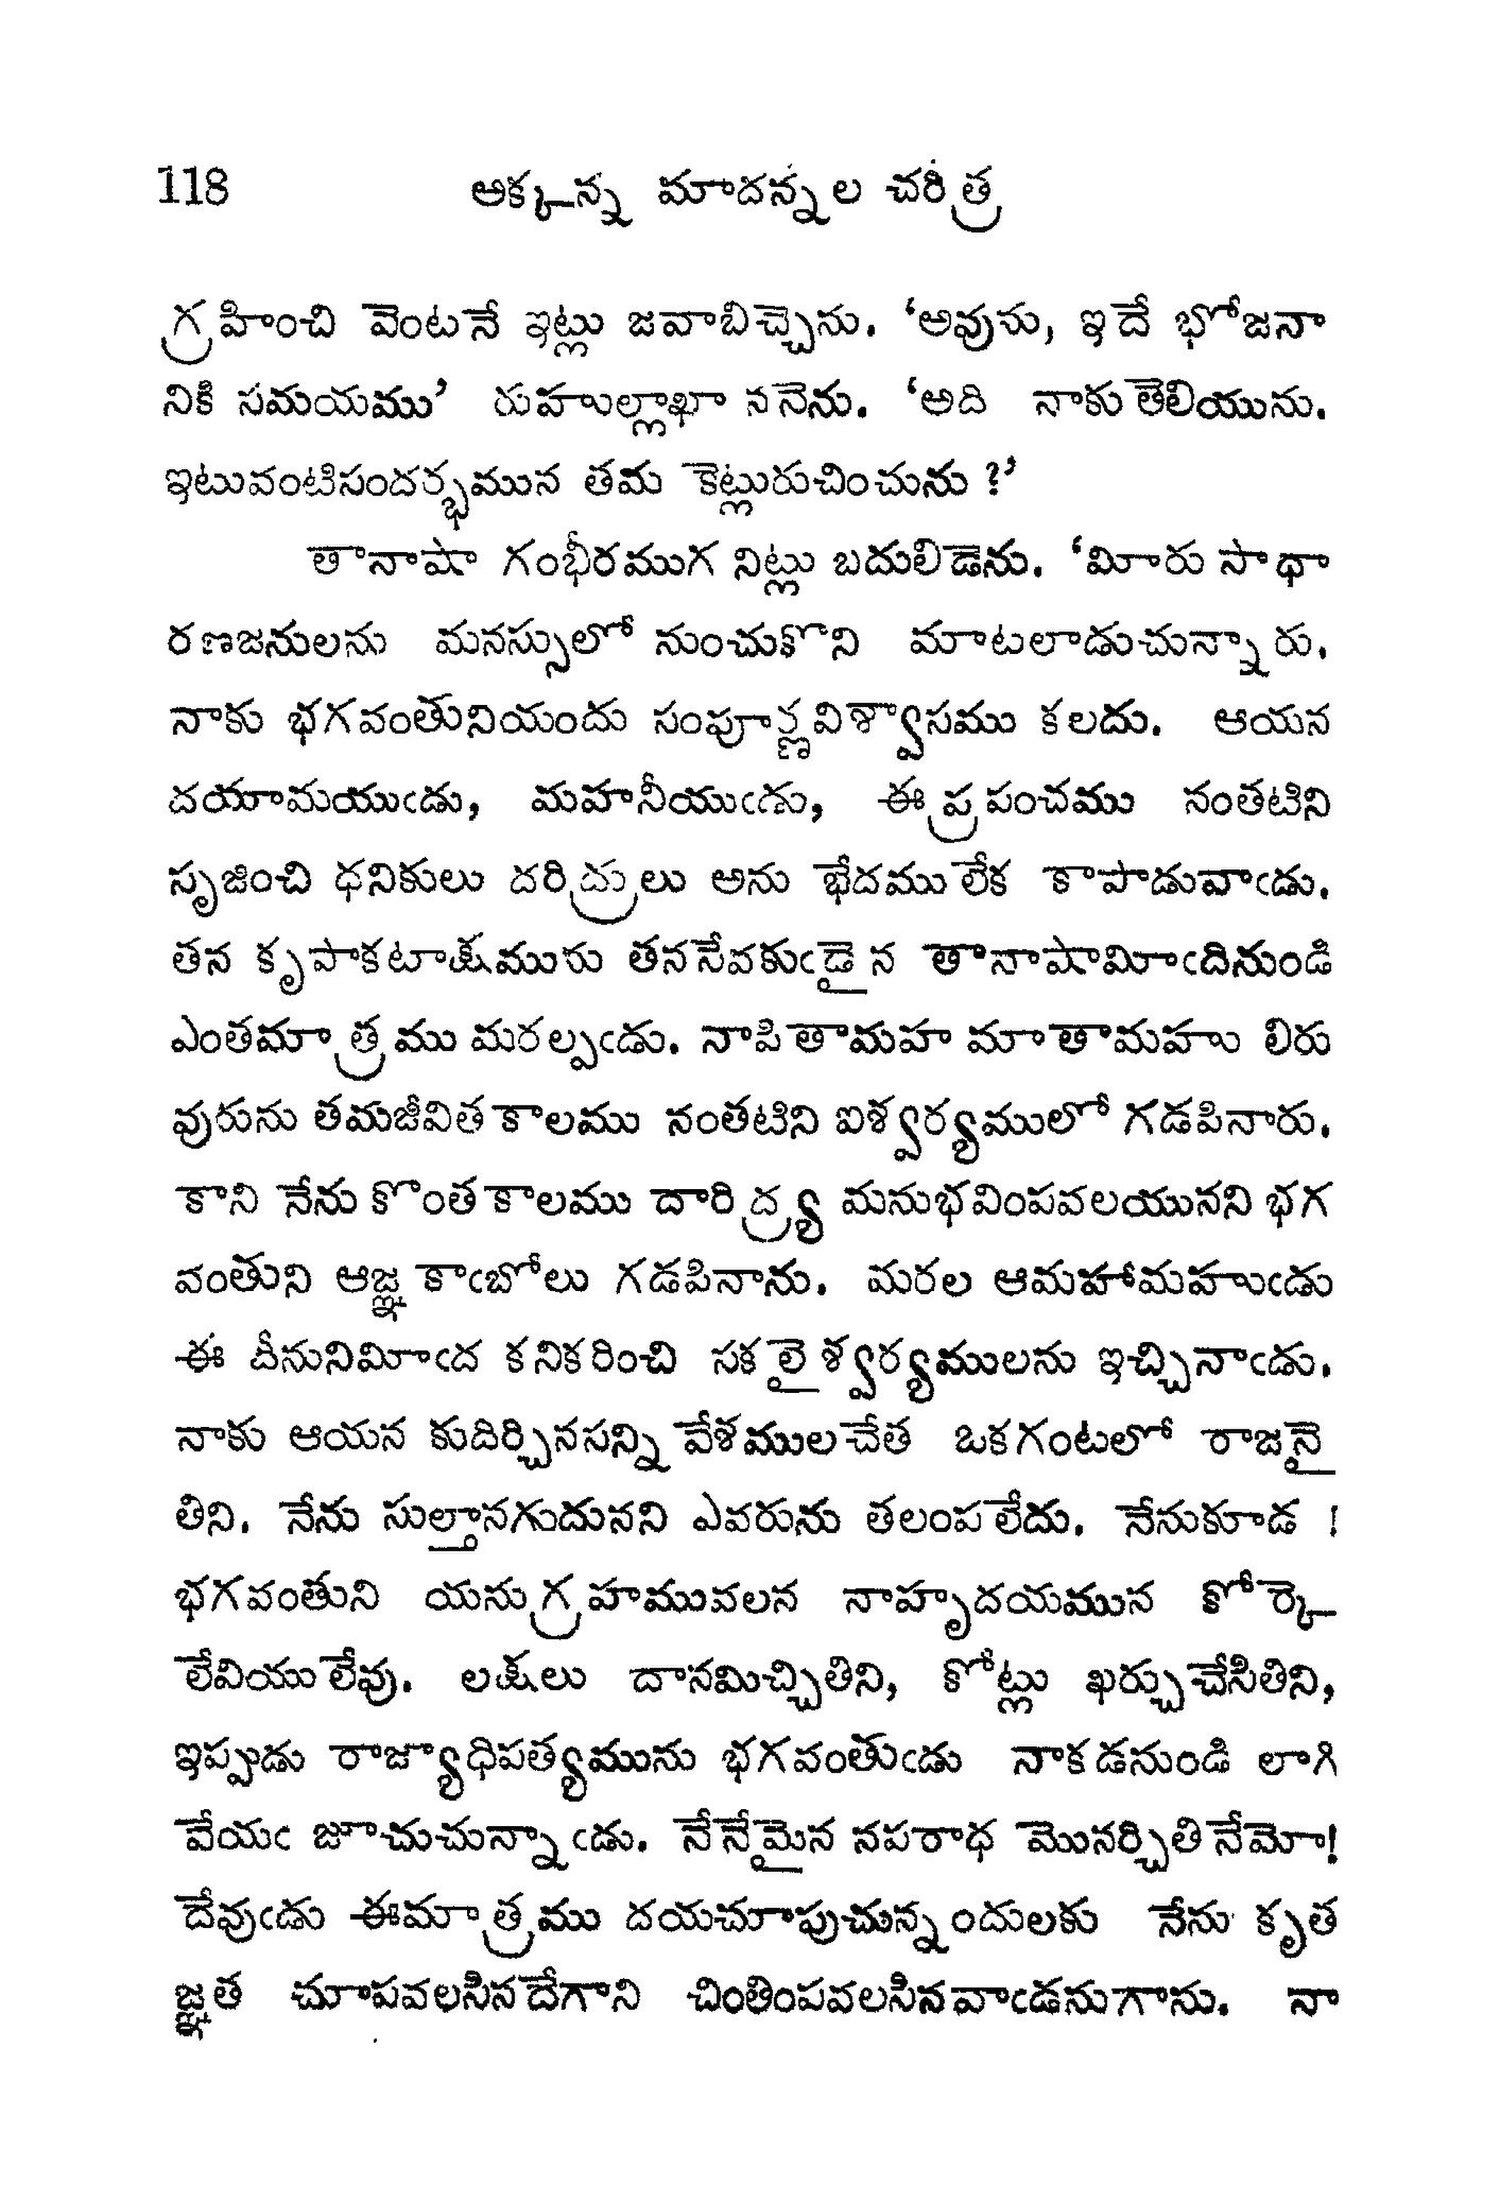గ్రహించి వెంటనే ఇట్లు జవాబిచ్చెను. ‘అవును, ఇదే భోజనానికి సమయము’ రుహుల్లాఖా ననెను. ‘అది నాకుతెలియును. ఇటువంటిసందర్భమున తమ కెట్లురుచించును?’

తానాషా గంభీరముగ నిట్లు బదులిడెను. ‘మీరు సాధారణజనులను మనస్సులో నుంచుకొని మాటలాడుచున్నారు. నాకు భగవంతునియందు సంపూర్ణవిశ్వాసము కలదు. ఆయన దయామయుఁడు, మహనీయుఁడు, ఈప్రపంచము నంతటిని సృజించి ధనికులు దరిద్రులు అను భేదములేక కాపాడువాఁడు. తన కృపాకటాక్షమును తనసేవకుడైన తానాషామీఁదినుండి ఎంతమాత్రము మరల్పఁడు. నాపితామహ మాతామహు లిరువురును తమజీవితకాలము నంతటిని ఐశ్వర్యములో గడపినారు. కాని నేను కొంతకాలము దారిద్ర్య మనుభవింపవలయునని భగవంతుని ఆజ్ఞ కాఁబోలు గడపినాను. మరల ఆమహామహుఁడు ఈ దీనునిమీఁద కనికరించి సకలైశ్వర్యములను ఇచ్చినాఁడు. నాకు ఆయన కుదిర్చినసన్నివేశములచేత ఒకగంటలో రాజనైతిని. నేను సుల్తానగుదునని ఎవరును తలంపలేదు. నేనుకూడ! భగవంతుని యనుగ్రహమువలన నాహృదయమున కోర్కెలేవియులేవు. లక్షలు దానమిచ్చితిని, కోట్లు ఖర్చుచేసితిని, ఇప్పుడు రాజ్యాధిపత్యమును భగవంతుఁడు నాకడనుండి లాగివేయఁ జూచుచున్నాఁడు. నేనేమైన నపరాధ మొనర్చితినేమో! దేవుఁడు ఈమాత్రము దయచూపుచున్నందులకు నేను కృతజ్ఞత చూపవలసినదేగాని చింతింపవలసినవాఁడనుగాను. నా